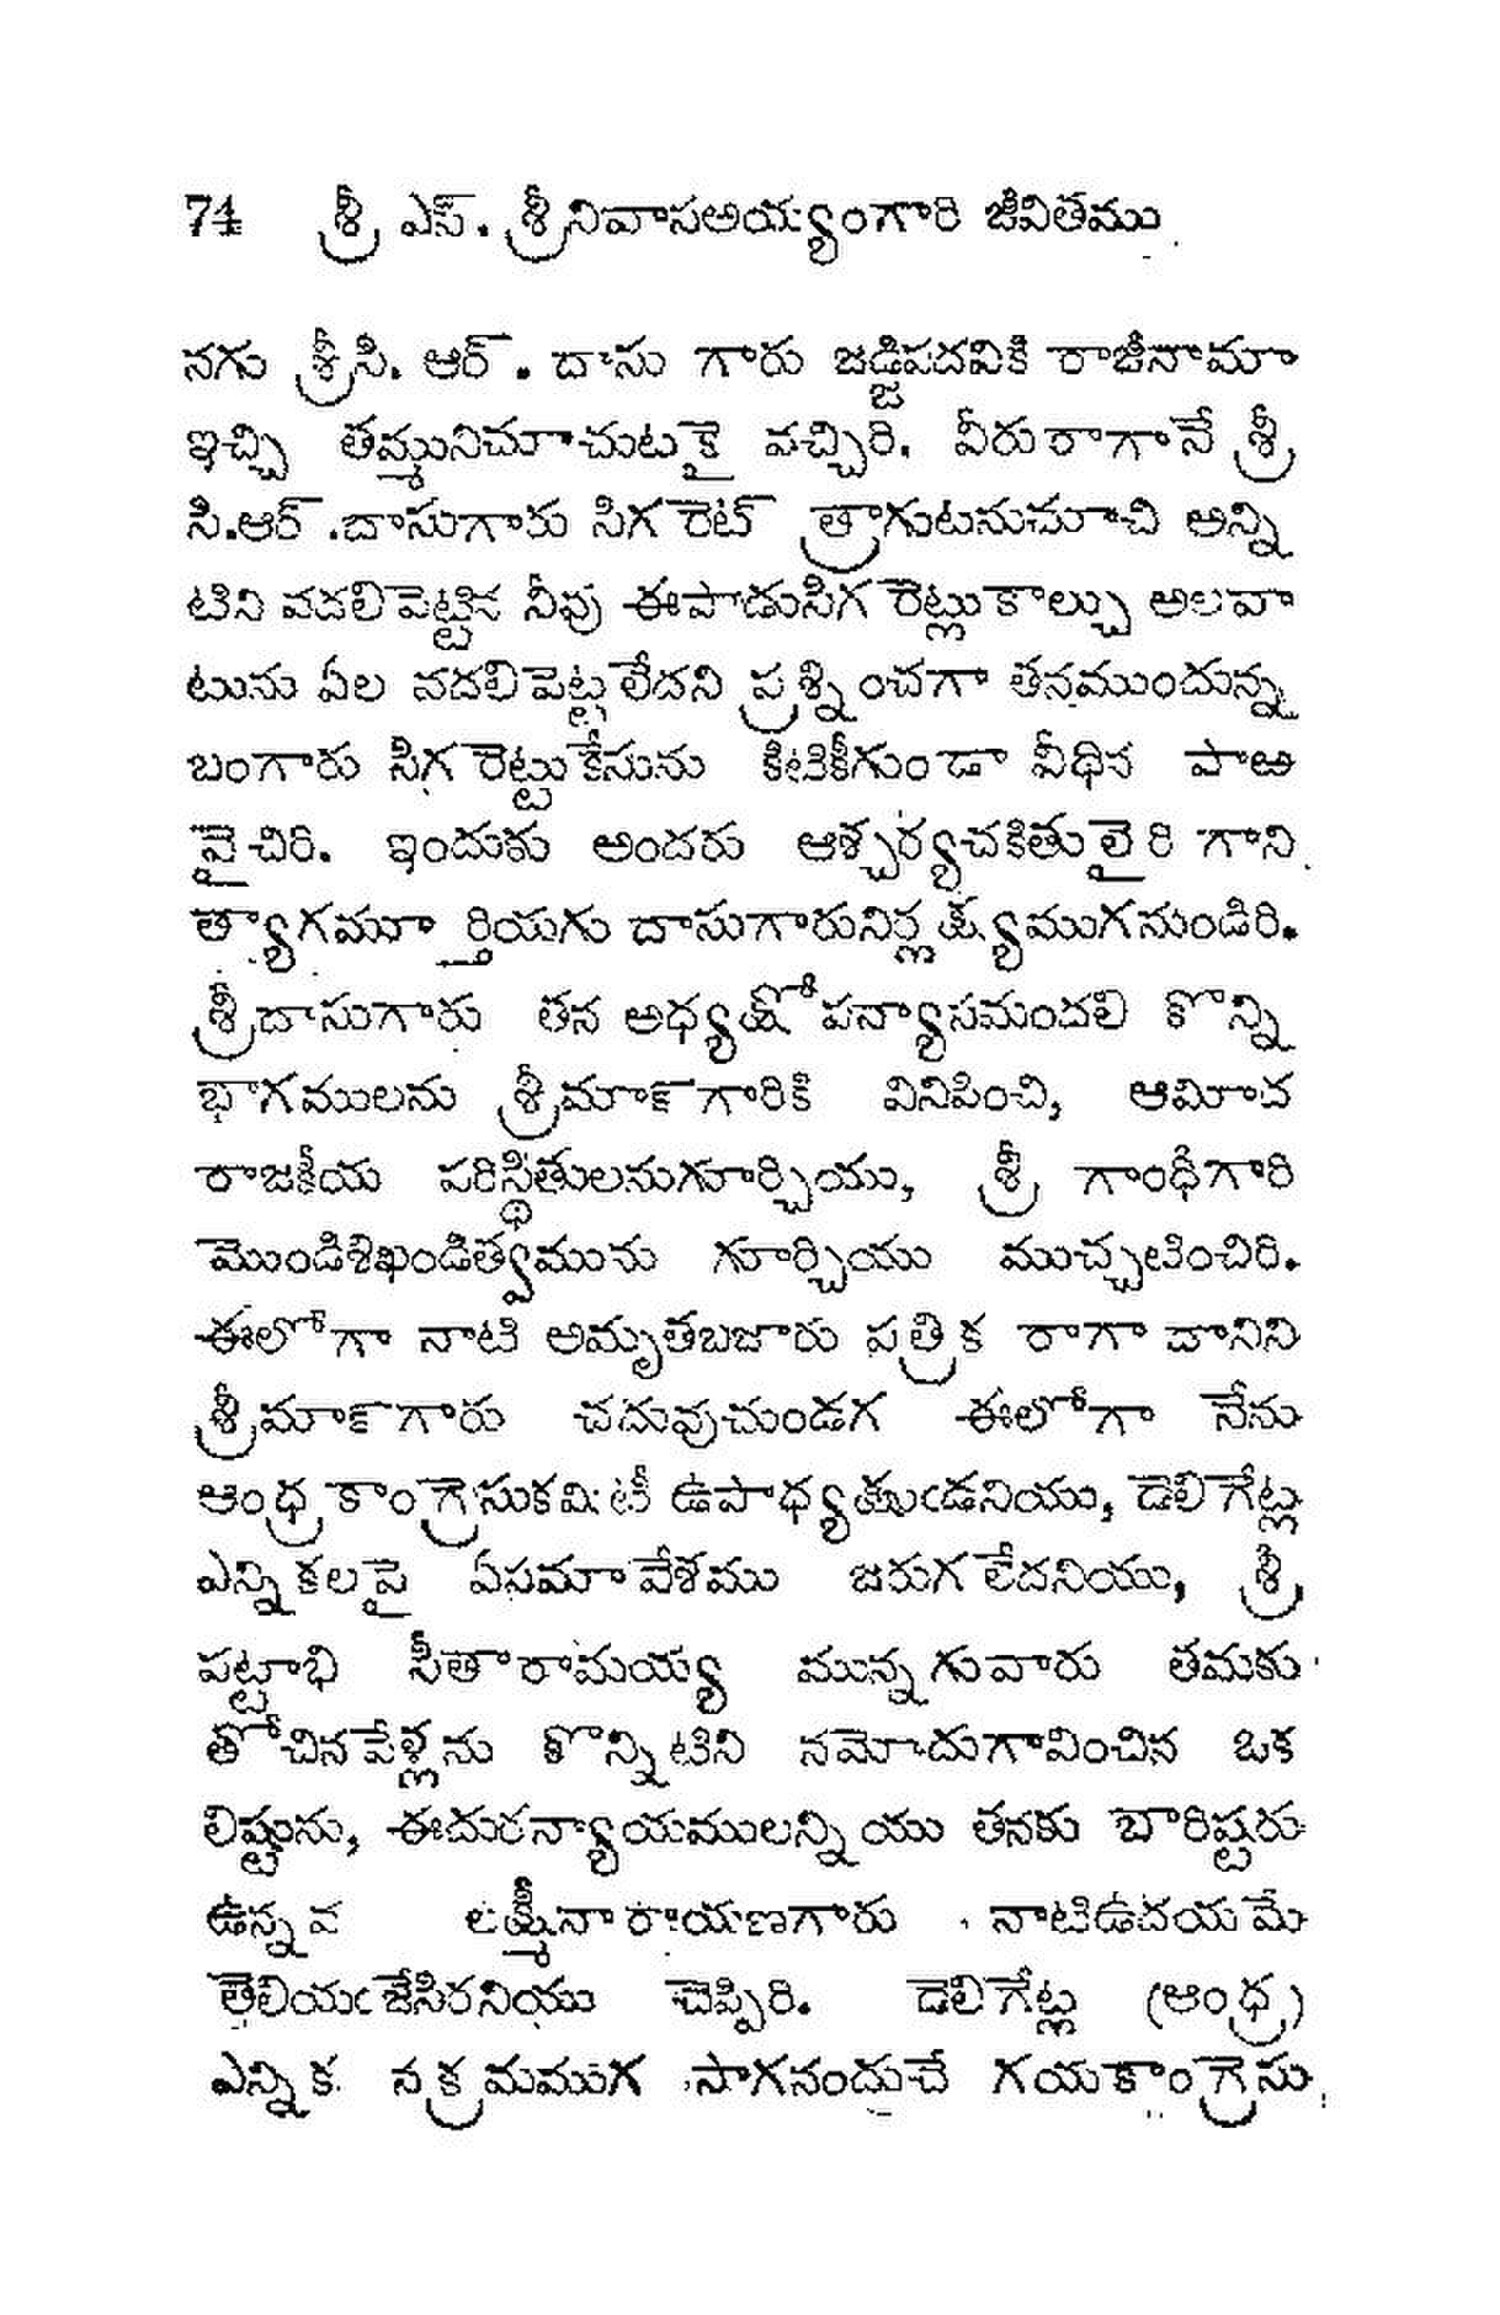నగు శ్రీ సి. ఆర్. దాసుగారు జడ్జిపదవికి రాజీనామా ఇచ్చి తమ్మునిచూచుటకై వచ్చిరి. వీరురాగానే శ్రీ సి.ఆర్. దాసుగారు సిగరెట్ త్రాగుటనుచూచి అన్నిటిని వదలిపెట్టిన నీవు ఈపాడుసిగరెట్లుకాల్చు అలవాటును ఏల వదలిపెట్టలేదని ప్రశ్నించగా తనముందున్న బంగారు సిగరెట్టుకేసును కీటికీగుండా వీధిన పాఱవైచిరి. ఇందుకు అందరు ఆశ్చర్యచకితులైరి గాని, త్యాగమూర్తియగు దాసుగారునిర్లక్ష్యముగనుండిరి. శ్రీదాసుగారు తన అధ్యక్షోపన్యాసమందలి కొన్ని భాగములను శ్రీమా౯గారికి వినిపించి, ఆమీద రాజకీయ పరిస్థితులనుగూర్చియు, శ్రీ గాంధీగారి మొండిశిఖండిత్వమును గూర్చియు ముచ్చటించిరి. ఈలోగా నాటి అమృతబజారు పత్రిక రాగా దానిని శ్రీమా౯గారు చదువుచుండగ ఈలోగా నేను ఆంధ్ర కాంగ్రెసుకమిటీ ఉపాధ్యక్షుఁడనియు, డెలిగేట్ల ఎన్నికలపై ఏసమావేశము జరుగలేదనియు, శ్రీ పట్టాభి సీతారామయ్య మున్నగువారు తమకు తోచినపేళ్లను కొన్నిటిని నమోదుగావించిన ఒక లిష్టును, ఈదురన్యాయములన్నియు తనకు బారిష్టరు ఉన్నవ లక్ష్మీనారాయణగారు నాటిఉదయమే తెలియఁజేసిరనియు చెప్పిరి. డెలిగేట్ల (ఆంధ్ర) ఎన్నిక నక్రమముగ సాగనందుచే గయకాంగ్రెసు